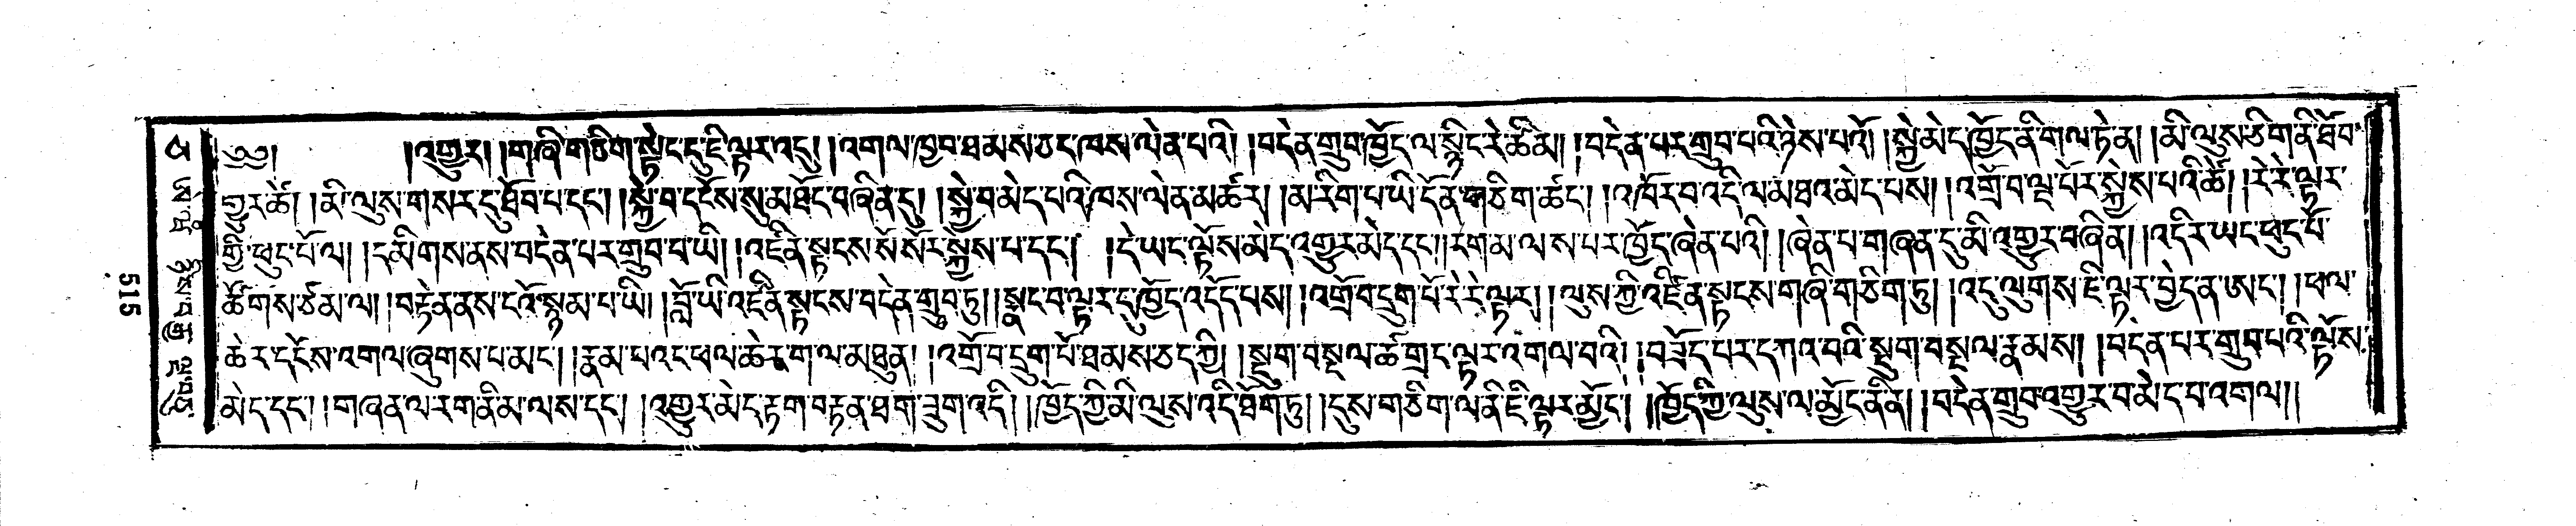༄༅། །འགྱུར། །གཞི་གཅིག་སྟེང་དུ་ཇི་ལྟར་འདུ། །འགལ་ཁྱབ་ཐམས་ཅད་ཁས་ལེན་པའི། །བདེན་གྲུབ་ཁྱོད་ལ་སྙིང་རེ་ཚིམ། །བདེན་པར་གྲུབ་པའི་ཉེས་པའོ། །སྐྱེ་མེད་ཁྱོད་ནི་གལ་ཏེ་ན། །མི་ལུས་ཅིག་ནི་ཐོབ་
གྱུར་ཚེ། །མི་ལུས་གསར་དུ་ཐོབ་པ་དང་། །སྐྱེ་བ་དངོས་སུ་མཐོང་བཞིན་དུ། །སྐྱེ་བ་མེད་པའི་ཁས་ལེན་མཚར། །མ་རིག་པ་ཡི་དོན་གཅིག་ཚང་། །འཁོར་བ་འདི་ལ་མཐའ་མེད་པས། །འགྲོ་བ་ལྔ་པོར་སྐྱེས་པའི་ཚེ། །རེ་རེ་ལྟར་
གྱི་ཕུང་པོ་ལ། །དམིགས་ནས་བདེན་པར་གྲུབ་པ་ཡི། །འཛིན་སྟངས་སོ་སོར་སྐྱེས་པ་དང་། །དེ་ཡང་ལྟོས་མེད་འགྱུར་མེད་དང་། །རག་མ་ལས་པར་ཁྱོད་ཞེན་པའི། །ཞེན་པ་གཞན་དུ་མི་འགྱུར་བཞིན། །འདིར་ཡང་ཕུང་པོ་
ཚོགས་ཙམ་ལ། །བརྟེན་ནས་ངའོ་སྙམ་པ་ཡི། །བློ་ཡི་འཛིན་སྟངས་བདེན་གྲུབ་ཏུ། །སྣང་བ་ལྟར་དུ་ཁྱོད་འདོད་པས། །འགྲོ་བ་དྲུག་པོ་རེ་རེ་ལྟར། །ལུས་ཀྱི་འཛིན་སྟངས་གཞི་གཅིག་ཏུ། །འདུ་ལུགས་ཇི་ལྟར་བྱེད་ན་ཨང་། །ཕལ་
ཚེར་དངོས་འགལ་ཞུགས་པ་མང་། །རྣམ་པའང་ཕལ་ཆེར་ག་ལ་མཐུན། །འགྲོ་བ་དྲུག་པོ་ཐམས་ཅད་ཀྱི། །སྡུག་བསྔལ་ཚ་གྲང་ལྟར་འགལ་བའི། །བཟོད་པར་དཀའ་བའི་སྡུག་བསྔལ་རྣམས། །བདེན་པར་གྲུབ་པའི་ལྟོས་
མེད་དང་། །གཞན་ལ་རག་ནི་མ་ལས་དང་། །འགྱུར་མེད་རྟག་བརྟན་ཐེག་ཟུག་འདི། །ཁྱོད་ཀྱི་མི་ལུས་འདི་ཐོག་ཏུ། །དུས་གཅིག་ལ་ནི་ཇི་ལྟར་མྱོང་། །ཁྱོད་ཀྱི་ལུས་ལ་མྱོང་ན་ནི། །བདེན་གྲུབ་འགྱུར་བ་མེད་པ་འགལ། །